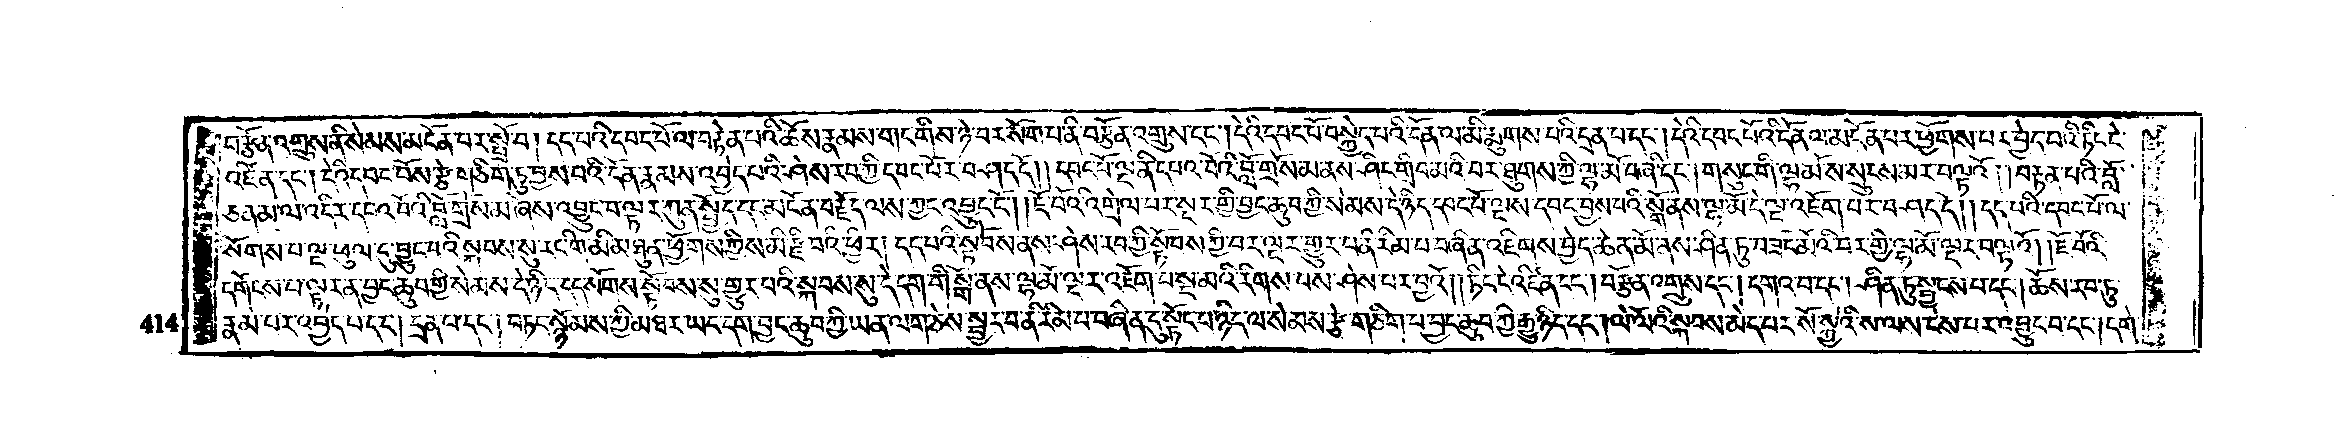བརྩོན་འགྲུས་ནི་སེམས་མངོན་པར་སྤྲོ་བ། དད་པའི་དབང་པོ་ལ་བརྟེན་པའི་ཆོས་རྣམས་གང་གིས་ཉེ་བར་སོག་པ་ནི་བརྩོན་འགྲུས་དང་། དེའི་དབང་པོ་བསྐྱེད་པའི་དོན་ལ་མི་རྨུགས་པའི་དྲན་པ་དང་། དེའི་དབང་པོའི་དོན་ལ་མངོན་པར་ཕྱོགས་པར་བྱེད་པའི་ཏིང་ངེ་
འཛིན་དང་། དེའི་དབང་པོས་རྩེ་གཅིག་ཏུ་བྱས་པའི་དོན་རྣམས་འབྱེད་པའི་ཤེས་རབ་ཀྱི་དབང་པོར་བཤད་དོ། །དབང་པོ་ལྔ་ནི་དཔའ་བོའི་བློ་གྲོས་མ་ནས་ཤིང་གྲིབ་མའི་བར་ཐུགས་ཀྱི་ལྷ་མོ་བཞི་དང་། གསུང་གི་ལྷ་མོ་ས་སྲུངས་མར་བལྟའོ། །བརྟན་པའི་བློ་
ཅན་མ་ལ་འདིར་དཔའ་བོའི་བློ་གྲོས་མ་ཞེས་འབྱུང་བ་ལྟར་ཀུན་སྤྱོད་དང་མངོན་བརྗོད་ལས་ཀྱང་འབྱུང་ངོ། །ཇོ་བོའི་འགྲེལ་པར་སྔར་གྱི་བྱང་ཆུབ་ཀྱི་སེམས་དེ་ཉིད་དབང་པོ་ལྔས་དབང་བྱས་པའི་སྒོ་ནས་ལྷ་མོ་དེ་ལྔ་འཇོག་པར་བཤད་དོ། །དད་པའི་དབང་པོ་ལ་
སོགས་པ་ལྔ་ཕུལ་དུ་བྱུང་བའི་སྐབས་སུ་རང་གི་མི་མཐུན་ཕྱོགས་ཀྱིས་མི་རྫི་བའི་ཕྱིར། དད་པའི་སྟོབས་ནས་ཤེས་རབ་ཀྱི་སྟོབས་ཀྱི་བར་ལྔར་གྱུར་པ་ནི་རིམ་པ་བཞིན་འཇིགས་བྱེད་ཆེན་མོ་ནས་ཤིན་ཏུ་བཟང་མོའི་བར་གྱི་ལྷ་མོ་ལྔར་བལྟའོ། །ཇོ་བོའི་
དགོངས་པ་ལྟར་ན་བྱང་ཆུབ་གྱི་སེམས་དེ་ཉིད་དད་སོགས་སྟོབས་སུ་གྱུར་པའི་སྐབས་སུ་དེ་དག་གི་སྒོ་ནས་ལྷ་མོ་ལྔར་འཇོག་པ་སྔ་མའི་རིགས་པས་ཤེས་པར་བྱའོ། །ཏིང་ངེ་འཛིན་དང་། བརྩོན་འགྲུས་དང་། དགའ་བ་དང་། ཤིན་ཏུ་སྦྱངས་པ་དང་། ཆོས་རབ་ཏུ་
རྣམ་པར་འབྱེད་པ་དང་། དྲན་པ་དང་། བཏང་སྙོམས་ཀྱི་མཐར་ཡང་དག་བྱང་ཆུབ་ཀྱི་ཡན་ལག་ཅེས་སྦྱར་བ་ནི་རིམ་པ་བཞིན་དུ་སྟོང་པ་ཉིད་ལ་སེམས་རྩེ་གཅིག་པ་བྱང་ཆུབ་ཀྱི་རྒྱུ་ཉིད་དང་། ལེ་ལོའི་སྐབས་མེད་པར་སོ་སྐྱེའི་ས་ལས་ངེས་པར་འབྱུང་བ་དང་། དགེ་